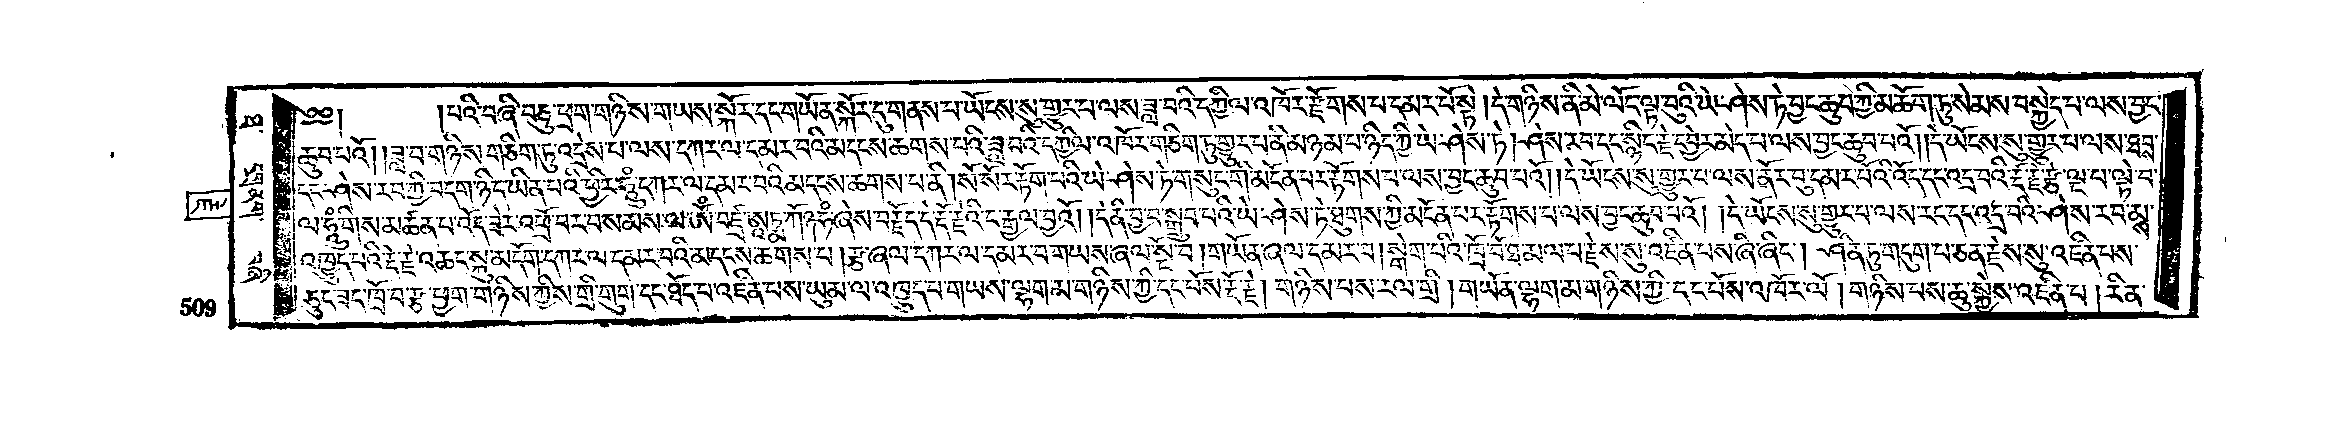༄༅། །པའི་བཞི་བཅུ་ཕྲག་གཉིས་གཡས་སྐོར་དང་གཡོན་སྐོར་དུ་གནས་པ་ཡོངས་སུ་གྱུར་པ་ལས་ཟླ་བའི་དཀྱིལ་འཁོར་རྫོགས་པ་དམར་པོ་སྟེ། དེ་གཉིས་ནི་མེ་ལོང་ལྟ་བུའི་ཡེ་ཤེས་ཏེ་བྱང་ཆུབ་ཀྱི་མཆོག་ཏུ་སེམས་བསྐྱེད་པ་ལས་བྱང་
ཆུབ་པའོ། །ཟླ་བ་གཉིས་གཅིག་ཏུ་འདྲེས་པ་ལས་དཀར་ལ་དམར་བའི་མདངས་ཆགས་པའི་ཟླ་བའི་དཀྱིལ་འཁོར་གཅིག་ཏུ་གྱུར་པ་ནི་མཉམ་པ་ཉིད་ཀྱི་ཡེ་ཤེས་ཏེ། ཤེས་རབ་དང་སྙིང་རྗེ་དབྱེར་མེད་པ་ལས་བྱང་ཆུབ་པའོ། །དེ་ཡོངས་སུ་གྱུར་པ་ལས་ཐབས་
དང་ཤེས་རབ་ཀྱི་བདག་ཉིད་ཡིན་པའི་ཕྱིར་ཧཱུཾ་དཀར་ལ་དམར་བའི་མདངས་ཆགས་པ་ནི། སོ་སོར་རྟོག་པའི་ཡེ་ཤེས་ཏེ་གསུང་གི་མངོན་པར་རྟོགས་པ་ལས་བྱང་ཆུབ་པའོ། །དེ་ཡོངས་སུ་གྱུར་པ་ལས་ནོར་བུ་དམར་པོའི་འོད་དང་འདྲ་བའི་རྡོ་རྗེ་རྩེ་ལྔ་པ་ལྟེ་བ་
ལ་ཧཱུཾ་གིས་མཚན་པ་འོད་ཟེར་འཕྲོ་བར་བསམས་ལ་ཨོཾ་བཛྲ་ཨཱཏྨ་ཀོཉ་ཧཾ་ཞེས་བརྗོད་དེ་རྡོ་རྗེའི་ང་རྒྱལ་བྱའོ། །དེ་ནི་བྱ་བ་སྒྲུབ་པའི་ཡེ་ཤེས་ཏེ་ཐུགས་ཀྱི་མངོན་པར་རྟོགས་པ་ལས་བྱང་ཆུབ་པའོ། །དེ་ཡོངས་སུ་གྱུར་པ་ལས་རང་དང་འདྲ་བའི་ཤེས་རབ་མས་
འཁྱུད་པའི་རྡོ་རྗེ་འཆང་སྐུ་མདོག་དཀར་ལ་དམར་བའི་མདངས་ཆགས་པ། རྩ་ཞལ་དཀར་ལ་དམར་བ་གཡས་ཞལ་སྔོ་བ། གཡོན་ཞལ་དམར་བ། སྒེག་པའི་ཁྲོ་བོ་ཐ་མལ་པ་རྗེས་སུ་འཛིན་པས་ཞི་ཞིང་། ཤིན་ཏུ་གདུག་པ་ཅན་རྗེས་སུ་འཛིན་པས་
ཅུང་ཟད་ཁྲོ་བ་རྩ་ཕྱག་གཉིས་ཀྱིས་གྲི་གུག་དང་ཐོད་པ་འཛིན་པས་ཡུམ་ལ་འཁྱུད་པ་གཡས་ལྷག་མ་གཉིས་ཀྱི་དང་པོས་རྡོ་རྗེ། གཉིས་པས་རལ་གྲི། གཡོན་ལྷག་མ་གཉིས་ཀྱི་དང་པོས་འཁོར་ལོ། གཉིས་པས་ཆུ་སྐྱེས་འཛིན་པ། རིན་